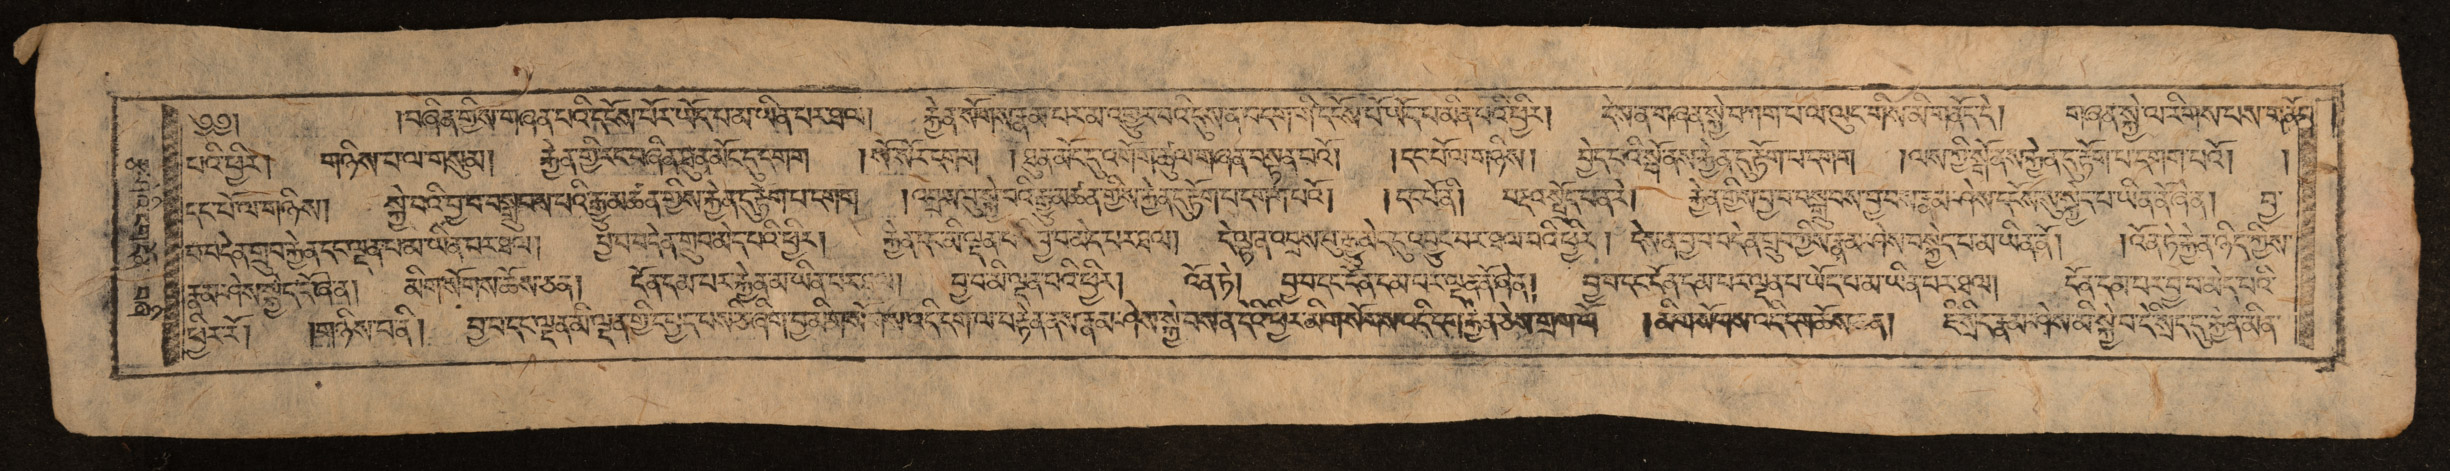༄༅། །བཞིན་གྱིས་གཞན་པའི་དངོས་པོར་ཡོད་པ་མ་ཡིན་པར་ཐལ། རྐྱེན་སོགས་རྣམ་པར་མ་འགྱུར་བའི་དུས་ན་བདག་གི་དངོས་པོ་ཡོད་པ་མིན་པའི་ཕྱིར། དེས་ན་གཞན་སྐྱེ་བཀག་པ་ལ་ལུང་གིས་མི་གནོད་དེ། གཞན་སྐྱེ་ལ་རིགས་པས་གནོད་
པའི་ཕྱིར། གཉིས་པ་ལ་གསུམ། རྐྱེན་གྱི་རང་བཞིན་ཐུན་མོང་དུ་དགག །སོ་སོར་དགག །ཐུན་མོང་དུ་འགོག་ཚུལ་གཞན་བསྟན་པའོ། །དང་པོ་ལ་གཉིས། བྱེད་པའི་སྒོ་ནས་རྐྱེན་དུ་རྟོག་པ་དགག །ལས་ཀྱི་སྒོ་ནས་རྐྱེན་དུ་རྟོག་པ་དགག་པའོ། །
དང་པོ་ལ་གཉིས། སྐྱེ་བའི་བྱ་བ་བསྒྲུབས་པའི་རྒྱུ་མཚན་གྱིས་རྐྱེན་དུ་རྟོག་པ་དགག །འབྲས་བུ་སྐྱེ་བའི་རྒྱུ་མཚན་གྱིས་རྐྱེན་དུ་རྟོག་པ་དགག་པའོ། །དང་པོ་ནི། བརྡའ་སྤྲོད་པ་ན་རེ། རྐྱེན་གྱིས་བྱ་བ་བསྒྲུབས་བྱ་བས་རྣམ་ཤེས་དངོས་སུ་སྐྱེད་པ་ཡིན་ནོ་ཞེན། བྱ་
བ་བདེན་གྲུབ་རྐྱེན་དང་ལྡན་པ་མ་ཡིན་པར་ཐལ། བྱ་བ་བདེན་གྲུབ་མེད་པའི་ཕྱིར། རྐྱེན་དང་མི་ལྡན་པའི་བྱ་བ་མེད་པར་ཐལ། དེ་ལྟ་ན་འབྲས་བུ་རྒྱུ་མེད་དུ་འབྱུང་བར་ཐལ་བའི་ཕྱིར། དེས་ན་བྱ་བ་བདེན་གྲུབ་ཀྱིས་རྣམ་ཤེས་བསྐྱེད་པ་མ་ཡིན་ནོ། །འོན་ཏེ་རྐྱེན་ཉིད་ཀྱིས་
རྣམ་ཤེས་སྐྱེད་དོ་ཞེ་ན། མིག་སོགས་ཆོས་ཅན། དོན་དམ་པར་རྐྱེན་མ་ཡིན་པར་ཐལ། བྱ་བ་མི་ལྡན་པའི་ཕྱིར། འོན་ཏེ། བྱ་བ་དང་དོན་དམ་པར་ལྡན་ནོ་ཞེ་ན། བྱ་བ་དང་དོན་དམ་པར་ལྡན་པ་ཡོད་པ་མ་ཡིན་པར་ཐལ། དོན་དམ་པར་བྱ་བ་མེད་པའི་
ཕྱིར་རོ། །གཉིས་པ་ནི། བྱ་བ་དང་ལྡན་མི་ལྡན་གྱི་དཔྱད་པས་ཅི་ཞིག་བྱ་མིག་སོགས་འདི་དག་ལ་བརྟེན་ནས་རྣམ་ཤེས་སྐྱེ་བས་ན་དེའི་ཕྱིར་མིག་སོགས་འདི་དག་རྐྱེན་ཅེས་གྲག་གོ །མིག་སོགས་འདི་དག་ཆོས་ཅན། ཇི་སྲིད་རྣམ་ཤེས་མི་སྐྱེ་བ་དེ་སྲིད་དུ་རྐྱེན་མིན་